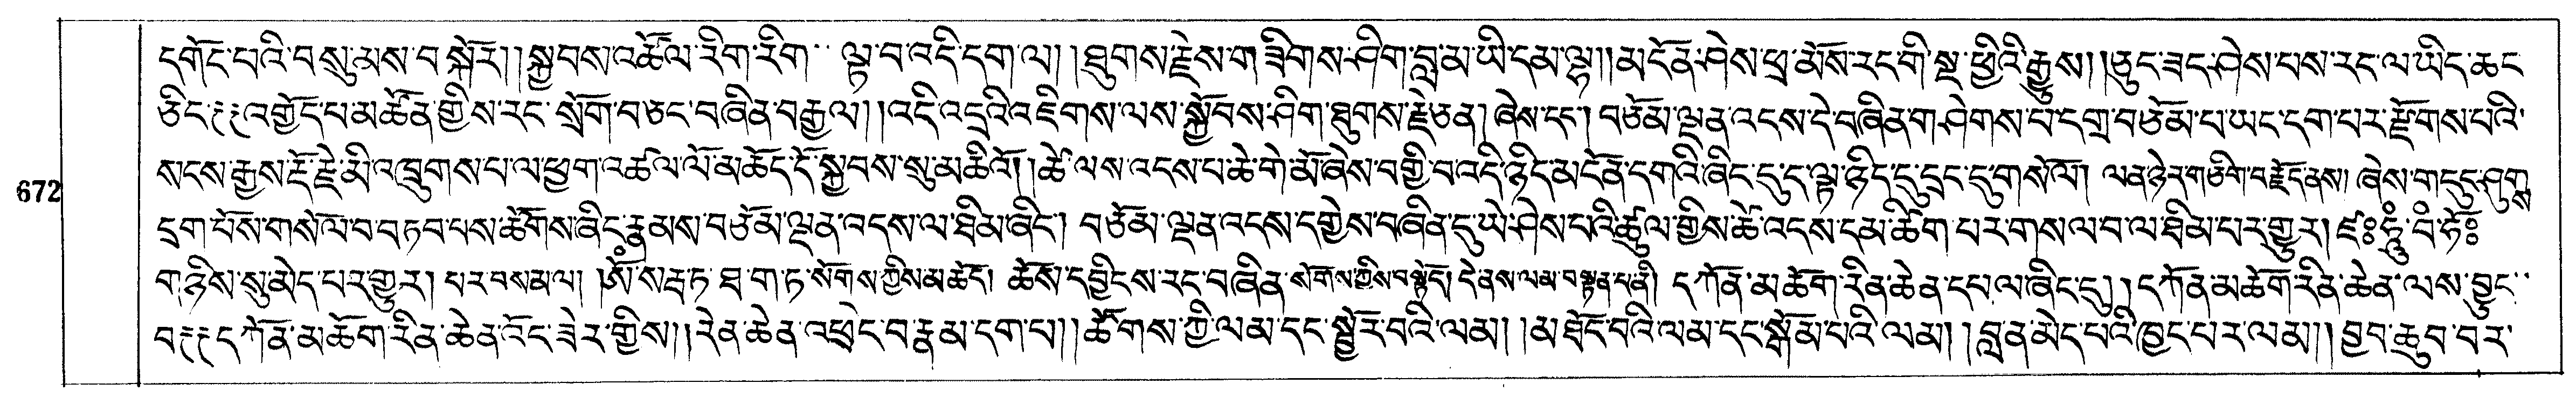དགོང་པའི་བསུ་མས་བསྐོར། །སྐྱབས་འཚོལ་རིག་རིག་ལྟ་བ་འདི་དག་ལ། །ཐུགས་རྗེས་གཟིགས་ཤིག་བླ་མ་ཡི་དམ་ལྷ། །མངོན་ཤེས་ཕྲ་མོས་རང་གི་སྔ་ཕྱིའི་རྒྱུས། །ཅུང་ཟད་ཤེས་པས་རང་ལ་ཡིད་ཆད་
ཅིང༑ ༑འགྱོད་པ་མཚོན་གྱིས་རང་སྲོག་བཅང་བཞིན་བརྒྱལ། །འདི་འདྲའི་འཇིགས་ལས་སྐྱོབས་ཤིག་ཐུགས་རྗེ་ཅན། ཞེས་དང་། བཅོམ་ལྡན་འདས་དེ་བཞིན་གཤེགས་པ་དགྲ་བཅོམ་པ་ཡང་དག་པར་རྫོགས་པའི་
སངས་རྒྱས་རྡོ་རྗེ་མི་འཁྲུགས་པ་ལ་ཕྱག་འཚལ་ལོ་མཆོད་དོ་སྐྱབས་སུ་མཆིའོ། །ཚེ་ལས་འདས་པ་ཆེ་གེ་མོ་ཞེས་བགྱི་བ་འདི་ཉིད་མངོན་དགའི་ཞིང་དུ་ད་ལྟ་ཉིད་དུ་དྲང་དུ་གསོལ། ལན་ཉེར་གཅིག་བརྗོད་ནས།  ཞེས་གདུང་ཤུགས་
དྲག་པོས་གསོལ་བ་བཏབ་པས་ཚོགས་ཞིང་རྣམས་བཅོམ་ལྡན་འདས་ལ་ཐིམ་ཞིང་། བཅོམ་ལྡན་འདས་དགྱེས་བཞིན་དུ་ཡེ་ཤེས་པའི་ཚུལ་གྱིས་ཚེ་འདས་དམ་ཚིག་པར་གསལ་བ་ལ་ཐིམ་པར་གྱུར། ཛཿ ཧཱུཾ་བཾ་ཧོཿ
གཉིས་སུ་མེད་པར་གྱུར། པར་བསམ་ལ།  །ཨོཾ་སརྦ་ཏ་ཐ་ག་ཏ་སོགས་ཀྱིས་མཆོད།  ཆོས་དབྱིངས་རང་བཞིན་སོགས་ཀྱིས་བསྟོད། དེ་ནས་ལམ་བསྟན་པ་ནི།  དཀོན་མཆོག་རིན་ཆེན་དཔལ་ཞིང་དུ། །དཀོན་མཆོག་རིན་ཆེན་ལས་བྱུང་
བ༑ ༑དཀོན་མཆོག་རིན་ཆེན་འོད་ཟེར་གྱིས། །རེན་ཆེན་འཕྲེང་བ་རྣམ་དག་པ། །ཚོགས་ཀྱི་ལམ་དང་སྦྱོར་བའི་ལམ། །མཐོང་བའི་ལམ་དང་སྒོམ་པའི་ལམ། །བླ་ན་མེད་པའི་ཁྱད་པར་ལམ། །བྱང་ཆུབ་བར་